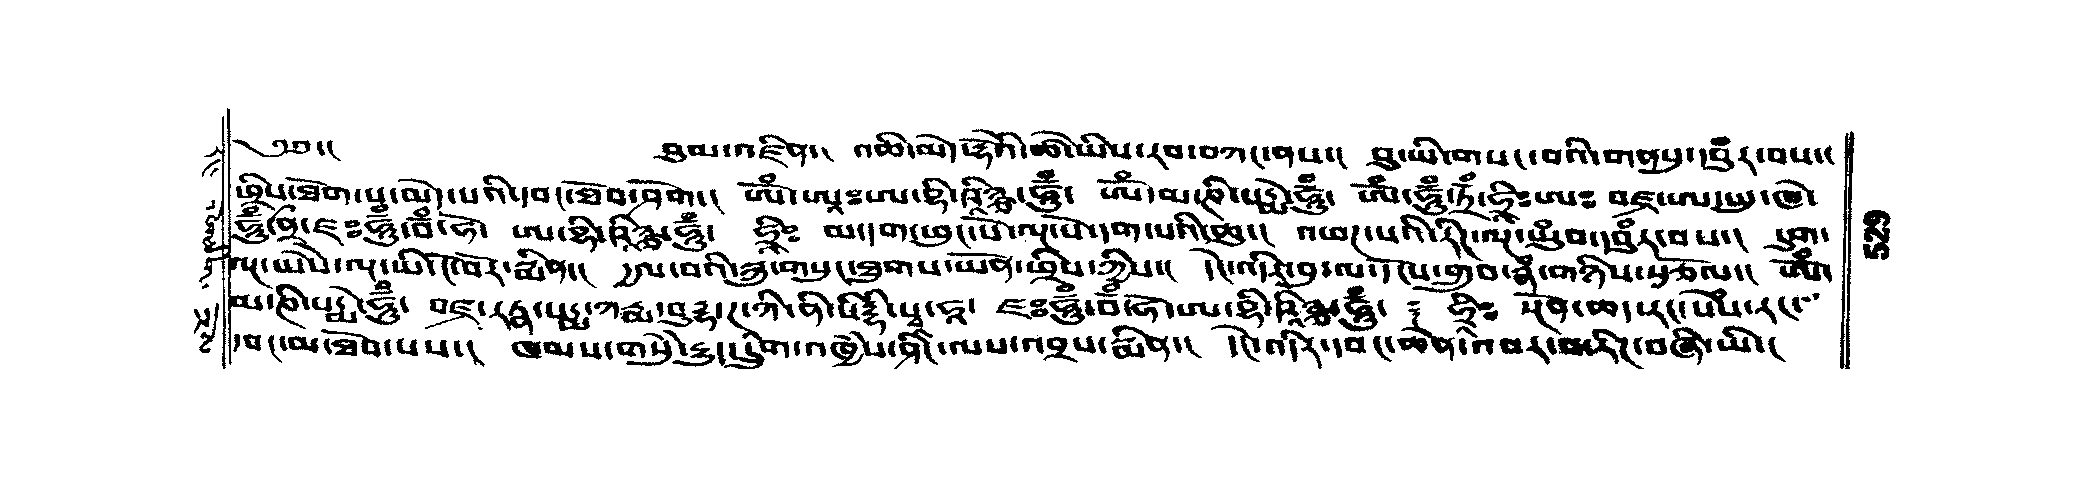བུམ་འཛིན། །འཆི་མེད་རྡོ་རྗེ་ཚེ་ཡིས་རབ་བཀང་ནས། །བུ་ཡི་གསང་བའི་གནས་སུ་དབང་བསྐུར་བས། །
ཕྲིན་ལས་ཐོག་པ་མེད་པའི་དབང་ཐོབ་ཤོག ཨོཾ་ཨཱཿཨ་བྷི་རིའཉྩ་ཧཱུྃ། ཨོཾ་ཧཱུྃ་ཏྲཾ་ཧྲཱིཿཨཿ བཛྲ་ཨ་ཡུ་ཁེ་
ཧཱུྃ་ནྲྀ་ཛཿཧཱུྃ་བཾ་ཧོ། ཨ་བྷི་རཱིཉྩ་ཧཱུྃ། ཧྲཱིཿ མ་དག་ཕུང་པོ་ལྔ་པོ་དག་པའི་ཆུ། །འཕགས་པའི་རིགས་ལྔ་ཡབ་ཡུམ་དབང་བསྐུར་བས། །དུག་
ལྔ་ཡེ་ཤེས་ལྔའི་ངོ་བོར་སྨིན། །རྒྱལ་བའི་སྐུ་གསུང་ཐུགས་ཡོན་ཕྲིན་ལས་ཀྱིས། །དེང་འདིར་བུ་ལ་དངོས་གྲུབ་རྣམ་གཉིས་སྩོལ།ཨོཾ་
མ་ཎི་པདྨེ་ཧཱུྃ། བཛྲ་རཏྣ་པདྨ་ཀརྨ་བུདྡྷ་ཌ་ཀི་ནི་སིདྷི་སྭཱ་ཧཱ། ཛཿཧཱུྃ་བྃ་ཧོ་ཨ་བྷི་རིའཉྩ་ཧཱུྃ། སྔོན་ཆད་རང་སེམས་རང་
དབང་མ་ཐོབ་པས། །ཁམས་གསུམ་རྒྱུད་དྲུག་འཁྱམས་ཤིང་ལས་འབྲས་སྨིན། །དེང་འདིར་དབང་ཆེན་འབར་བ་རིགས་བཞི་ཡི།